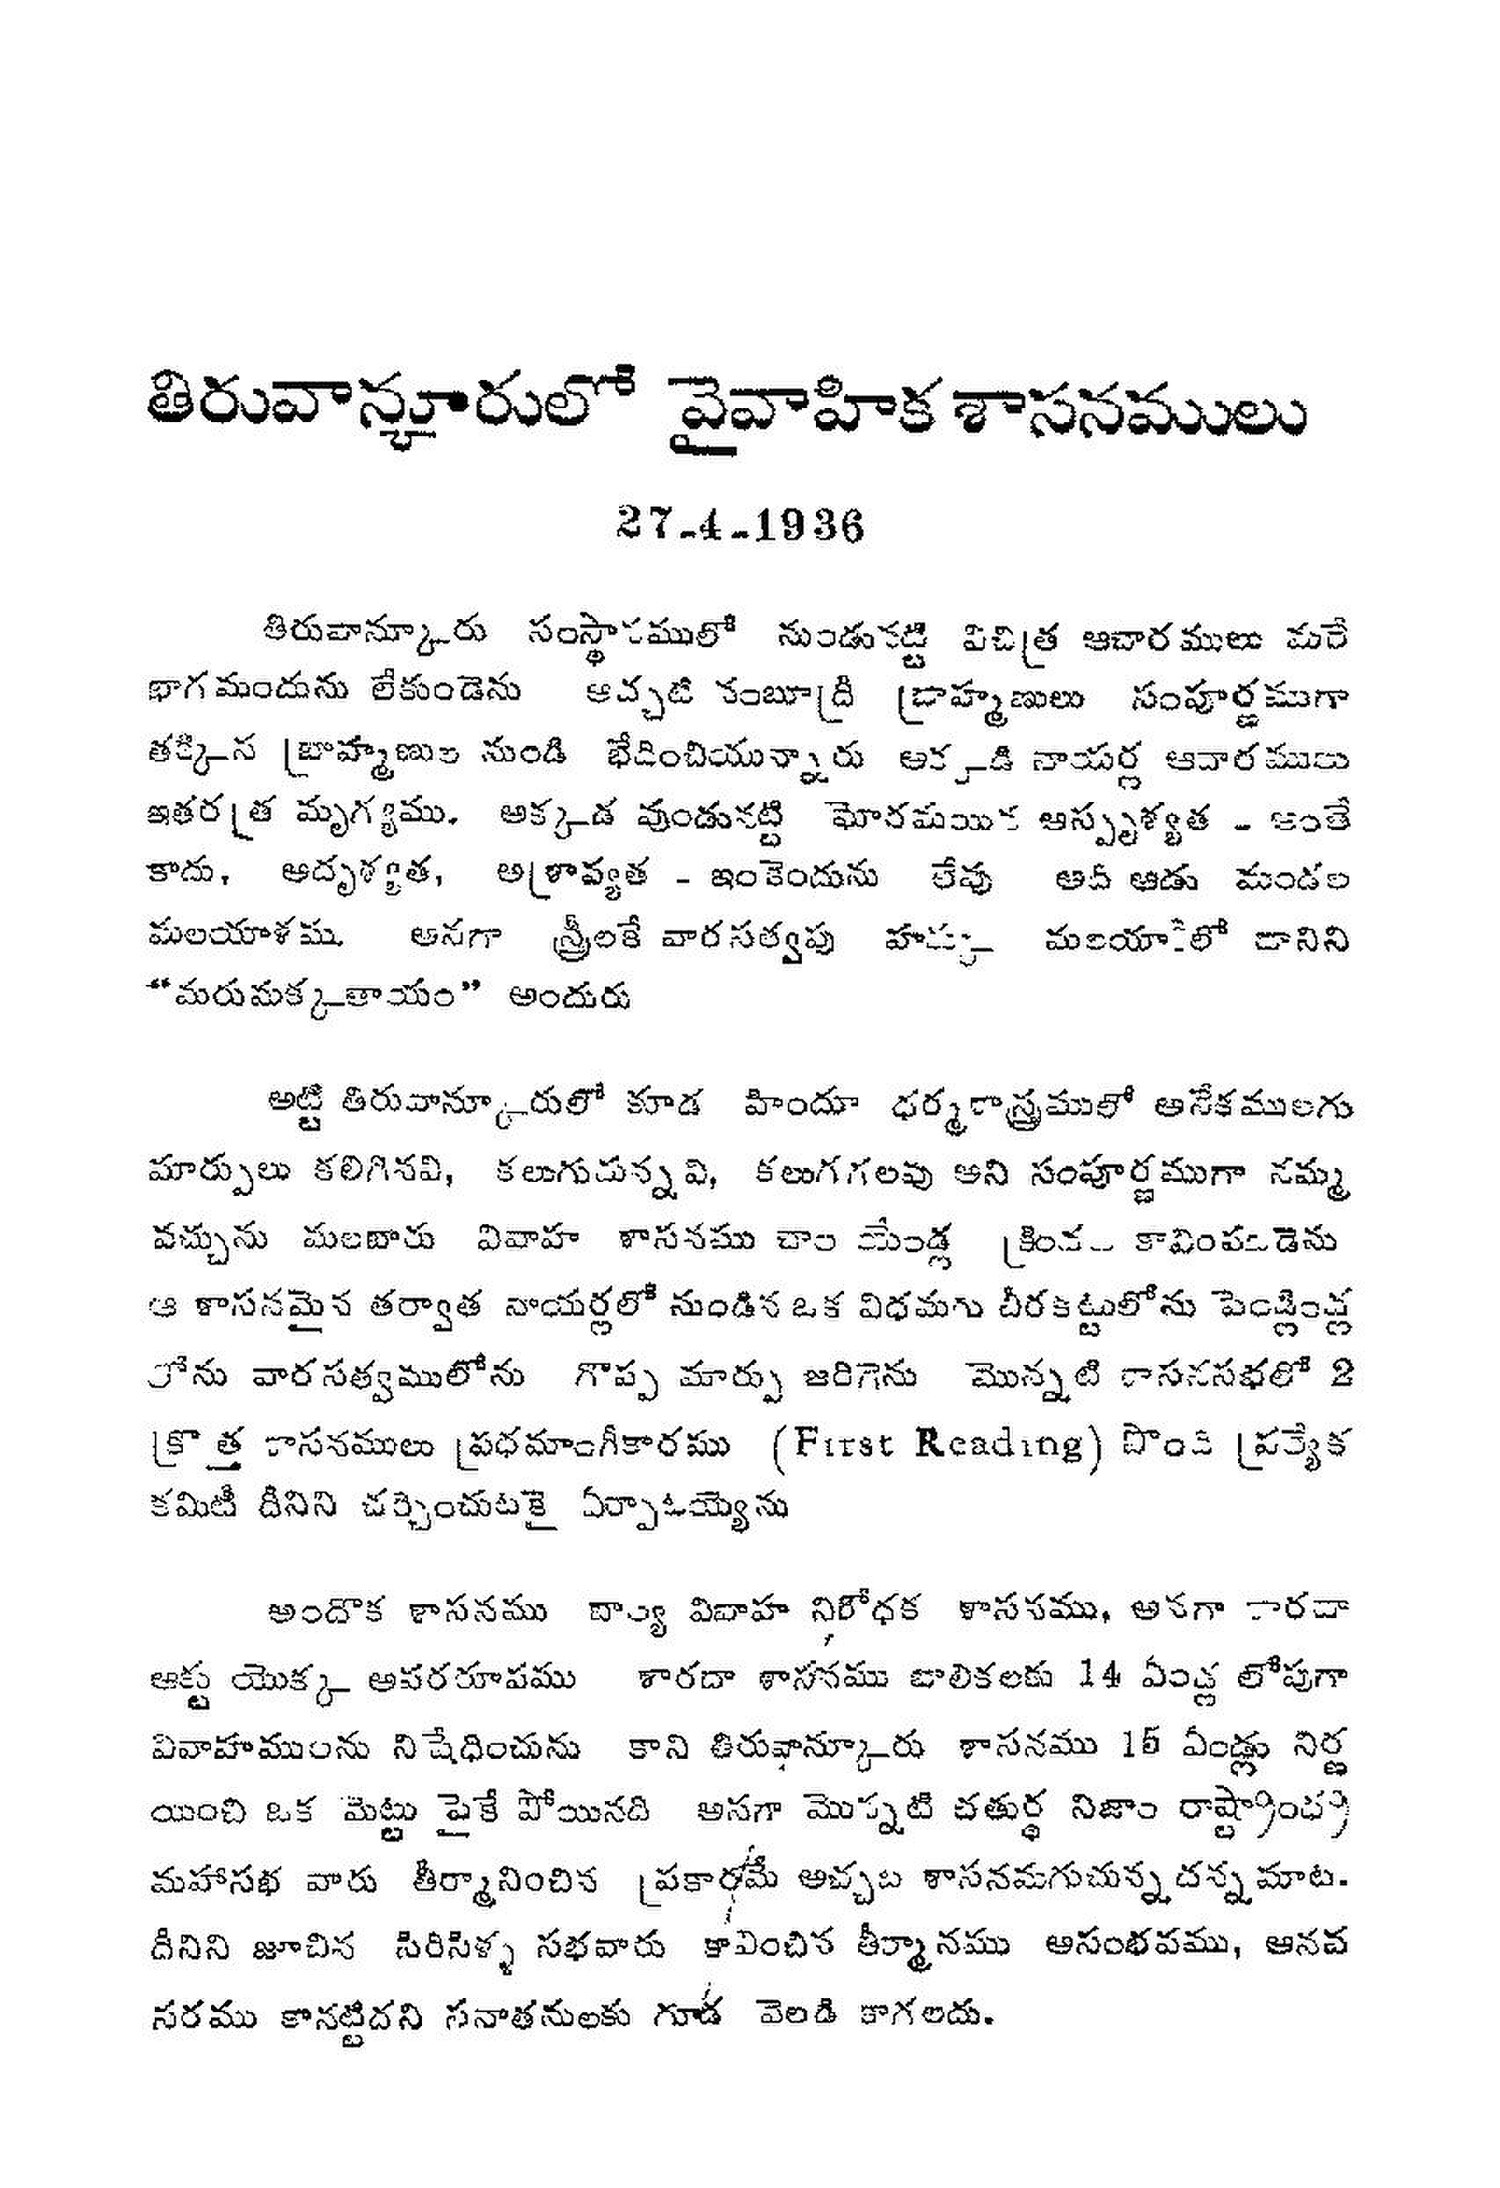తిరువాన్కూరులో వైవాహిక శాసనములు

27 - 4 - 1936

తిరువాన్కూరు సంస్థానములో నుండునట్టి విచిత్ర ఆచారములు మరేభాగమందును లేకుండెను అచ్చటి నంబూద్రీ బ్రాహ్మణులు సంపూర్ణముగా తక్కిన బ్రాహ్మణుల నుండి భేదించియున్నారు అక్కడి నాయర్ల ఆచారములు ఇతరత్ర మృగ్యము. అక్కడ వుండునట్టి ఘోరమయిన అస్పృశ్యత - అంతే కాదు, అదృశ్యత, అశ్రావ్యత - ఇంకెందును లేవు అది ఆడు మండల మలయాళము అనగా స్త్రీలకే వారసత్వపు హక్కు మరియాలీలో దానిని “మరుమక్కతాయం" అందురు

అట్టి తిరువాన్కూరులో కూడ హిందూ ధర్మశాస్త్రములో అనేకములగు మార్పులు కలిగినవి, కలుగుచున్నవి, కలుగగలవు అని సంపూర్ణముగా నమ్మవచ్చును మలబారు వివాహ శాసనము చాల యేండ్ల క్రిందట కావింపబడెను
ఆ శాసనమైన తర్వాత నాయర్లలో నుండిన ఒక విధమగు చీరకట్టులోను పెండ్లిండ్లలోను వారసత్వములోను గొప్ప మార్పు జరిగెను మొన్నటి శాసనసభలో 2 క్రొత్త శాసనములు ప్రధమాంగీకారము (First Reading) పొంది ప్రత్యేక
కమిటీ దీనిని చర్చించుటకై ఏర్పాటయ్యెను

అందొక శాసనము బాల్య వివాహ నిరోధక శాసనము, అనగా శారదా ఆక్టు యొక్క అపరరూపము శారదా శాసనము బాలికలకు 14 ఏండ్ల లోపుగా వివాహములను నిషేధించును కాని తిరువాన్కూరు శాసనము 15 ఏండ్లు నిర్ణయించి ఒక మెట్టు పైకే పోయినది అనగా మొన్నటి చతుర్థ నిజాం రాష్ట్రాంధ్ర మహాసభ వారు తీర్మానించిన ప్రకారమే అచ్చట శాసనమగుచున్నదన్నమాట. దీనిని జూచిన సిరిసిళ్ళ సభవారు కావించిన తీర్మానము అసంభవము, అనవసరము కానట్టిదని సనాతనులకు గూడ వెల్లడి కాగలదు.